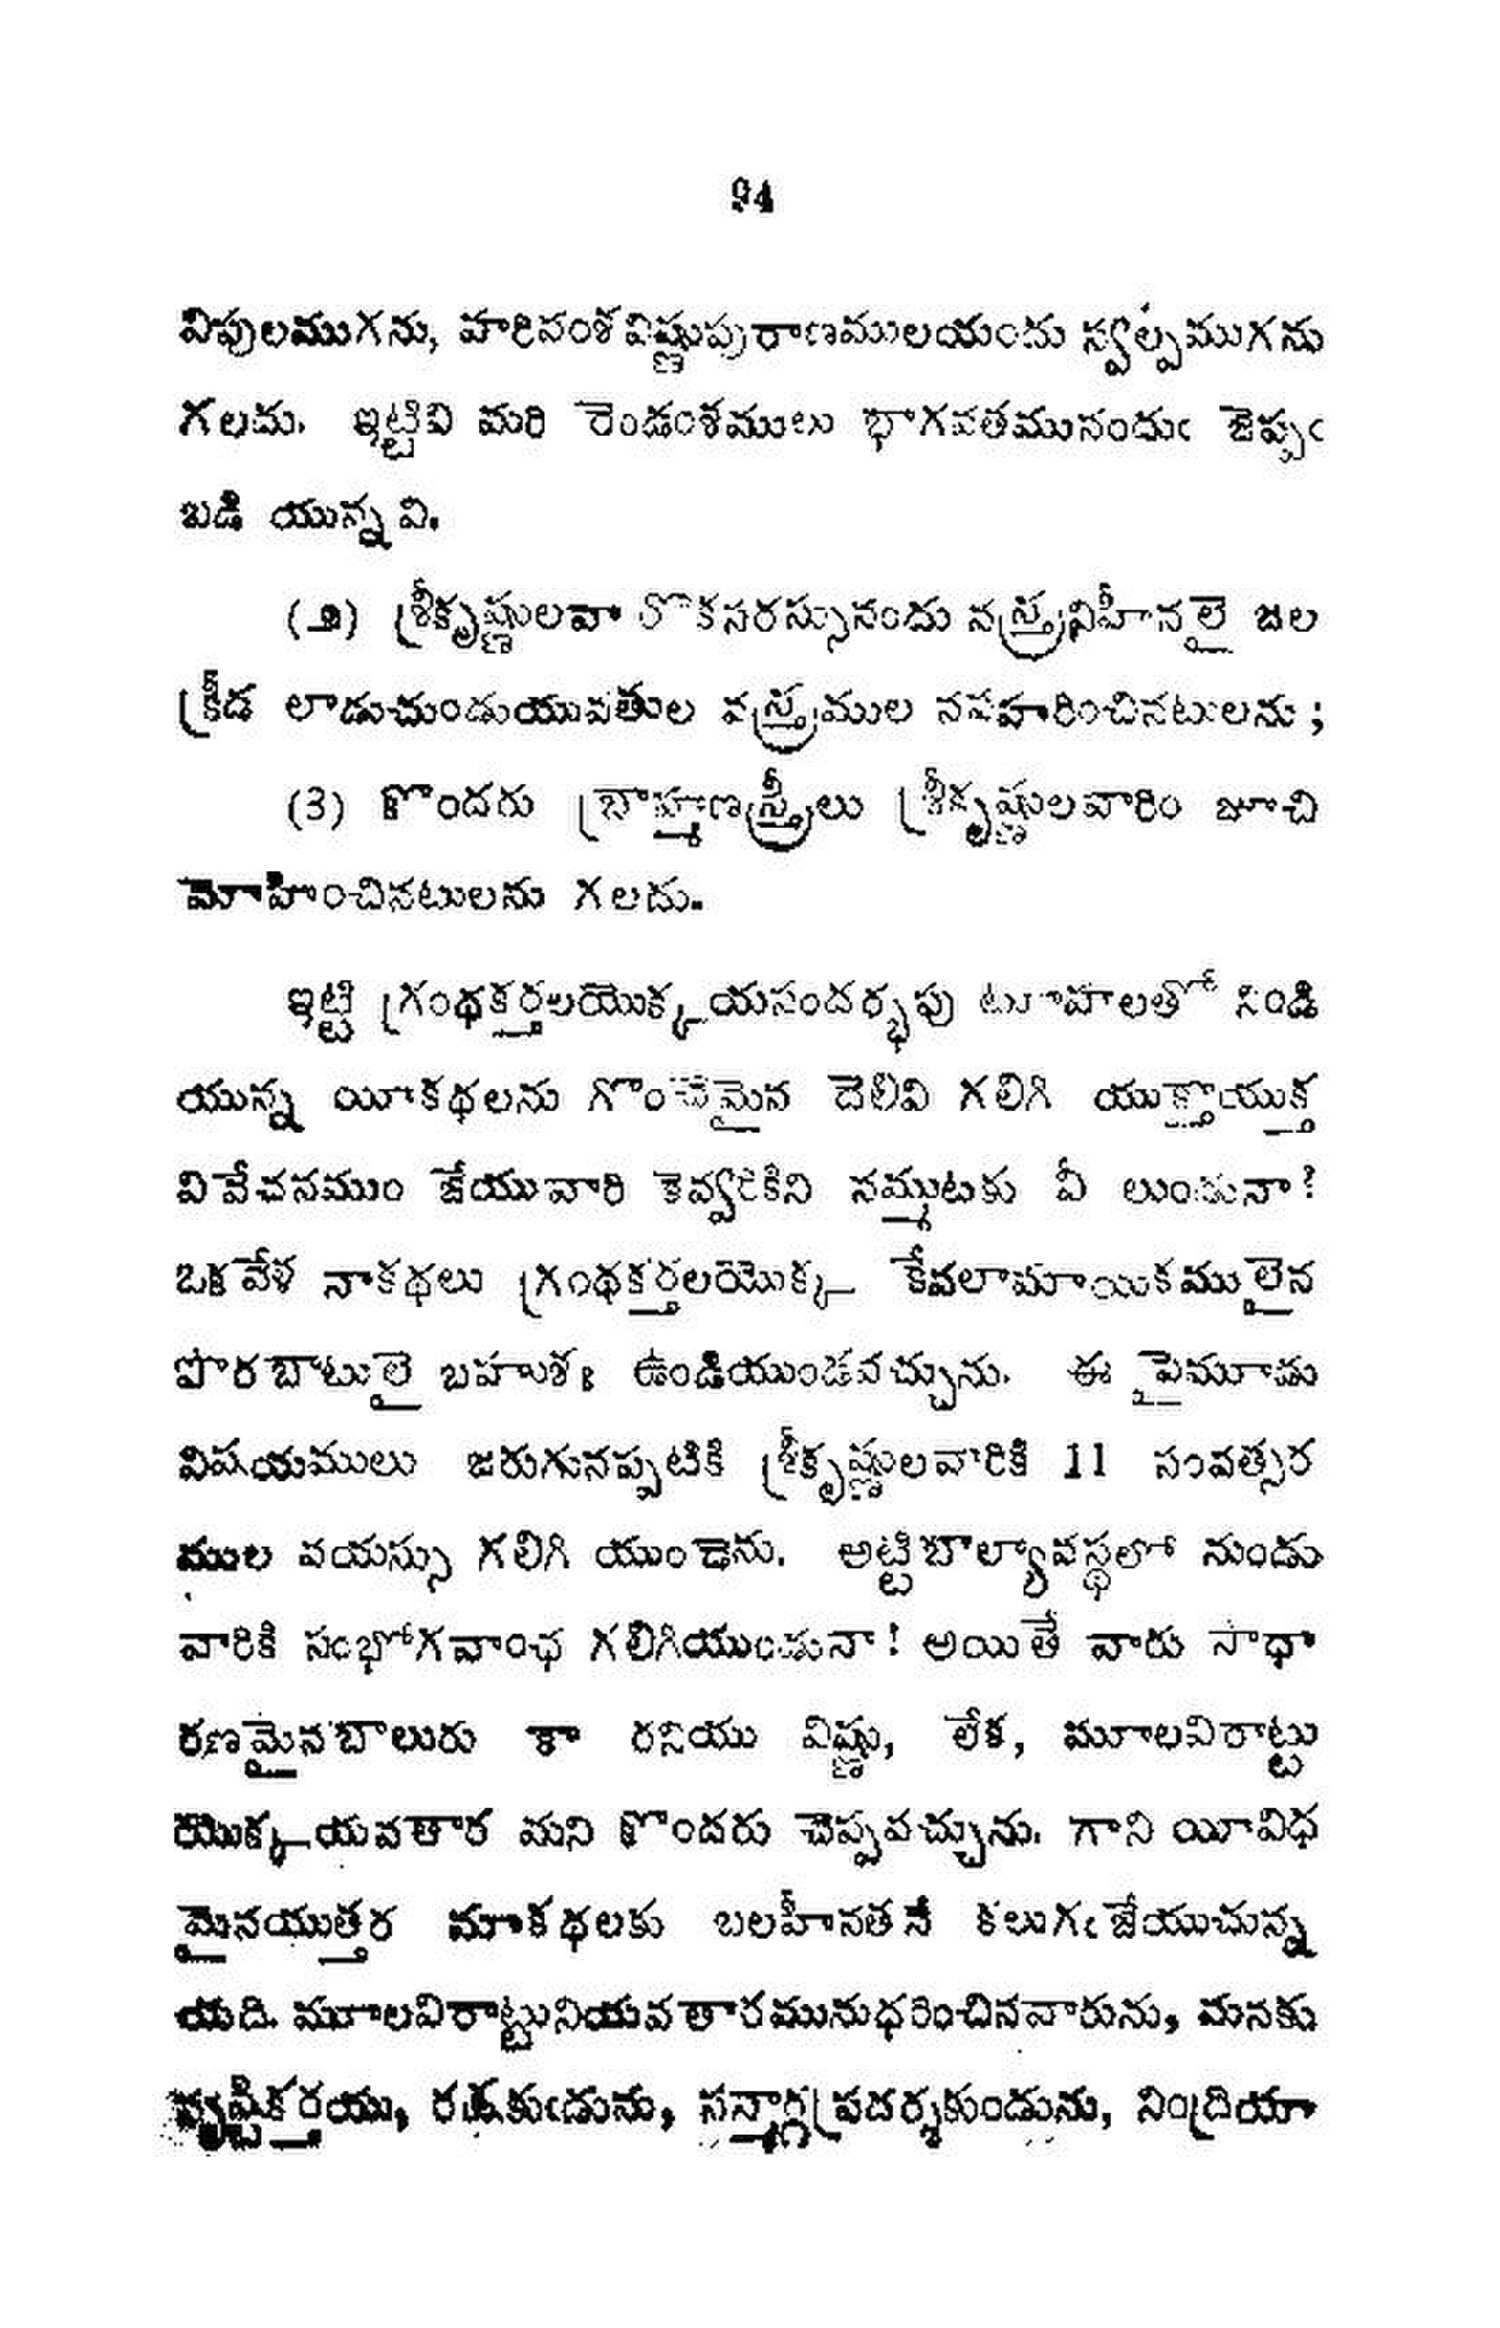విపులముగను, హరివంశవిష్ణుపురాణములయందు స్వల్పముగను గలదు. ఇట్టివి మరి రెండంశములు భాగవతమునందుఁ జెప్పఁబడి యున్నవి.

(2) శ్రీకృష్ణులవా రొకసరస్సునందు వస్త్రవిహీనలై జలక్రీడ లాడుచుండుయువతుల వస్త్రముల నపహరించినటులను ;

(3) కొందరు బ్రాహ్మణస్త్రీలు శ్రీకృష్ణులవారిం జూచి మోహించినటులను గలదు.

ఇట్టి గ్రంథకర్తలయొక్క యసందర్భపు టూహలతో నిండియున్న యీకథలను గొంచెమైన దెలివి గలిగి యుక్తాయుక్త వివేచనముం జేయువారి కెవ్వరికిని నమ్ముటకు వీ లుండునా ? ఒకవేళ నాకథలు గ్రంథకర్తలయొక్క కేవలామాయికములైన పొరబాటులై బహుశః ఉండియుండవచ్చును. ఈ పైమూడు
విషయములు జరుగునప్పటికి శ్రీకృష్ణులవారికి 11 సంవత్సరముల వయస్సు గలిగి యుండెను. అట్టిబాల్యావస్థలో నుండువారికి సంభోగవాంఛ గలిగియుండునా ! అయితే వారు సాధారణమైన బాలురు కా రనియు విష్ణు, లేక, మూలవిరాట్టుయొక్కయవతార మని కొందరు చెప్పవచ్చును. గాని యీవిధమైనయుత్తర మాకథలకు బలహీనతనే కలుగఁజేయుచున్న యది. మూలవిరాట్టుని యవతారమునుధరించినవారును, మనకు సృష్టికర్తయు, రక్షకుఁడును, సన్మార్గప్రదర్శకుండును, నింద్రియా